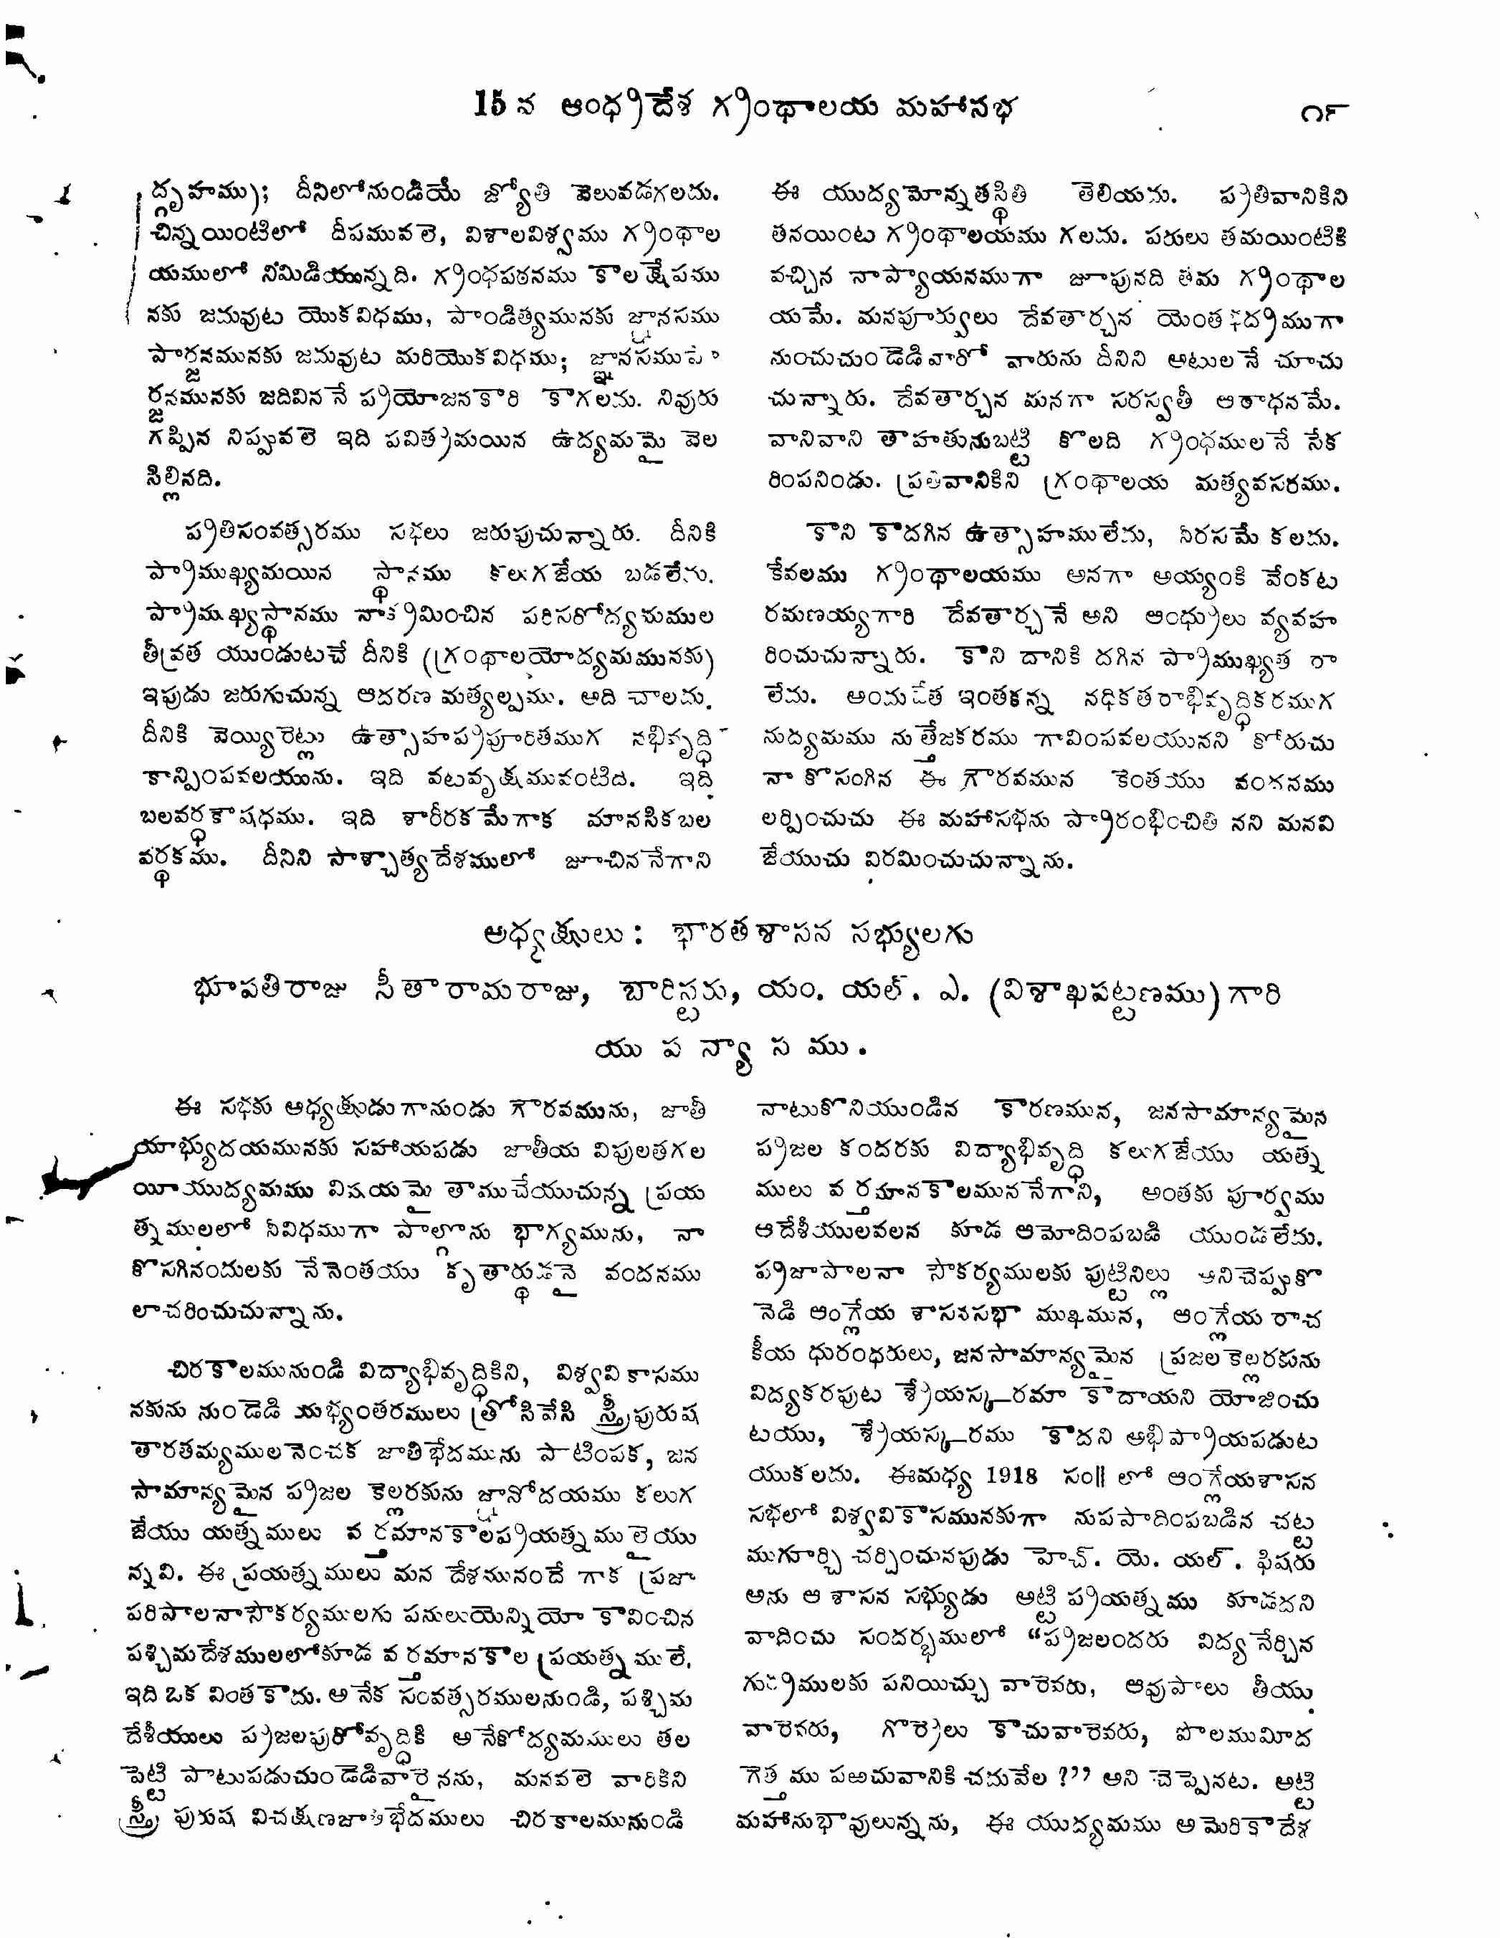ద్గృహము); దీనిలో నుండియే జ్యోతి వెలువడగలదు. చిన్నయింటిలో దీపమువలె, విశాలవిశ్వము గ్రంథాలయములో నిమిడి
యున్నది. గ్రంధపఠనము కాలక్షేపమునకు జదువుట యొక విధము, పాండిత్యమునకు జ్ఞానసము పార్జనమునకు జనువుట మరియొక విధము; జ్ఞానసముపేర్జనమునకు జదివిననే ప్రయోజనకారి కాగలను. నివురు గప్పిన నిప్పువలె ఇది పవిత్రమయిన ఉద్యమమై 
వెలసిల్లినది. 

ప్రతిసంవత్సరము సభలు జరుపుచున్నారు. దీనికి ప్రాముఖ్యమయిన స్థానము కలుగజేయ బడలేదు. ప్రాముఖ్యస్థానము నాక్రమించిన పరిసరోద్యమముల తీవ్రత యుండుటచే దీనికి (గ్రంథాలయోద్యమమునకు) ఇపుడు జరుగుచున్న ఆదరణ మత్యల్పము. అది చాలదు.
దీనికి వెయ్యిరెట్లు ఉత్సాహపూరితముగ నభివృద్ధి కాన్పింపవలయును. ఇది వటవృక్షమువంటిది. బలవర కౌషధము. ఇది శారీరకమేగాక మానసిక బలవర్ధకము. దీనిని పాశ్చాత్యదేశములో జూచిననేగాని ఈ యుద్య మోన్నతస్థితి తెలియదు. ప్రతివానికిని తనయింట గ్రంథాలయము గలదు. పరులు తమయింటికి వచ్చిన నాప్యాయనముగా జూపునది తమ గ్రంథాలయమే. మనపూర్వులు దేవతార్చన యెంత భద్రముగా నుంచుచుండెడి వారో వారును దీనిని అటులనే చూచు చున్నారు. దేవతార్చన మనగా సరస్వతీ ఆరాధన మే.
వానివాని తాహతునుబట్టి కొలది గ్రంధములనే సేకరింపనిండు. ప్రతివానికిని గ్రంథాలయ మత్యవసరము.

కాని కాదగిన ఉత్సాహములేదు, నీరసమే కలదు. కేవలము గ్రంథాలయము అనగా అయ్యంకి వెంకట రమణయ్య గారి దేవతార్చనే అని ఆంధ్రులు వ్యవహరించుచున్నారు. కాని దానికి దగిన ప్రాముఖ్యత రాలేదు. అందుచేత ఇంతకన్న నధికతరాభివృద్ధికరముగా 
ముద్యమము ముత్తేజకరము గావింపవలయునని కోరుచు నా కొసంగిన ఈ గౌరవమున కెంతయు వందనము లర్పించుచు ఈ మహాసభను ప్రారంభించితినని మనవి జేయుచు విరమించుచున్నాను.

 
ఈ సభకు అధ్యక్షుడు గానుండు గౌరవమును, జాతీయాభ్యుదయమునకు సహాయపడు జాతీయ విపులతగల యీ యుద్యమము 
విషయమై తాము చేయుచున్న ప్రయత్నములలో నీవిధముగా పాల్గొను భాగ్యమును, నా కొసగినందులకు నేనెంతయు 'కృతార్థుడనై వందనము లాచరించుచున్నాను.

చిరకాలమునుండి విద్యాభివృద్ధికిని, విశ్వవికాసమునకును నుండెడి యభ్యంతరములు త్రోసివేసి స్త్రీ,పురుష తారతమ్యముల నెంచక 
జాతి భేదమును పాటింపక, జనసామాన్యమైన ప్రజల కెల్లరకును జానోదయము కలుగజేయు యత్నములు వర్తమాన కాల
ప్రయత్నములై యున్నవి. ఈ ప్రయత్నములు మన దేశమునందే గాక ప్రజాపరిపాలనా సౌకర్యములగు పనులుయెన్నియో కావించిన
పశ్చిమదేశములలో కూడ వర్తమానకాల ప్రయత్నములే. ఇది ఒక వింత కాదు. అనేక సంవత్సరములనుండి, పశ్చిమ దేశీయులు ప్రజలపురోవృద్ధికి అనేకోద్యమములు తలపెట్టి పాటుపడుచుండెడివారైనను మనవలె వారికిని స్త్రీ పురుష విచక్షణజాతిభేదములు చిరకాలమునుండి నాటుకొనియుండిన కారణమున, జనసామాన్యమైన ప్రజల కందరకు విద్యాభివృద్ధి కలుగజేయు యత్నాములు
వరమాన కాలముననేగాని, అంతకు పూర్వము ఆదేశీయులవలన కూడ ఆమోదింపబడి యుండలేదు. ప్రజాసాలనా సౌకర్యములకు 
పుట్టినిల్లు అని చెప్పుకొనెడి ఆంగ్లేయ శాసనసభా ముఖమున, ఆంగ్లేయ రాచకీయ ధురంధరులు, జనసామాన్యమైన ప్రజల కెల్లరకును
విద్యకరపుట శ్రేయస్కరమా కాదాయని యోజించుటయు, శ్రేయస్కరము కాదని అభిప్రాయపడుటయు కలదు. ఈమధ్య 1918 సం॥ లో ఆంగ్లేయ శాసన సభలో విశ్వవికాసమునకుగా నుపసాదింపబడిన చట్టమును గూర్చి చర్చించునపుడు హెచ్.యె.యల్. ఫిషరు అను 
ఆ శాసన సభ్యుడు ఆట్టి ప్రయత్నము కూడదని వాదించు సందర్భములో “ప్రజలందరు విద్య నేర్చిన గుర్రములకు పనియిచ్చు 
వారెవరు, ఆవుపాలు తీయువారెవరు, గొర్రెలు కాచువారెవరు, పొలముమీద గెత్తము పఱచువానికి చదువేల?" అని చెప్పెనట. అట్టి 
మహానుభావులున్నను, ఈ యుద్యమము అమెరికా దేశ